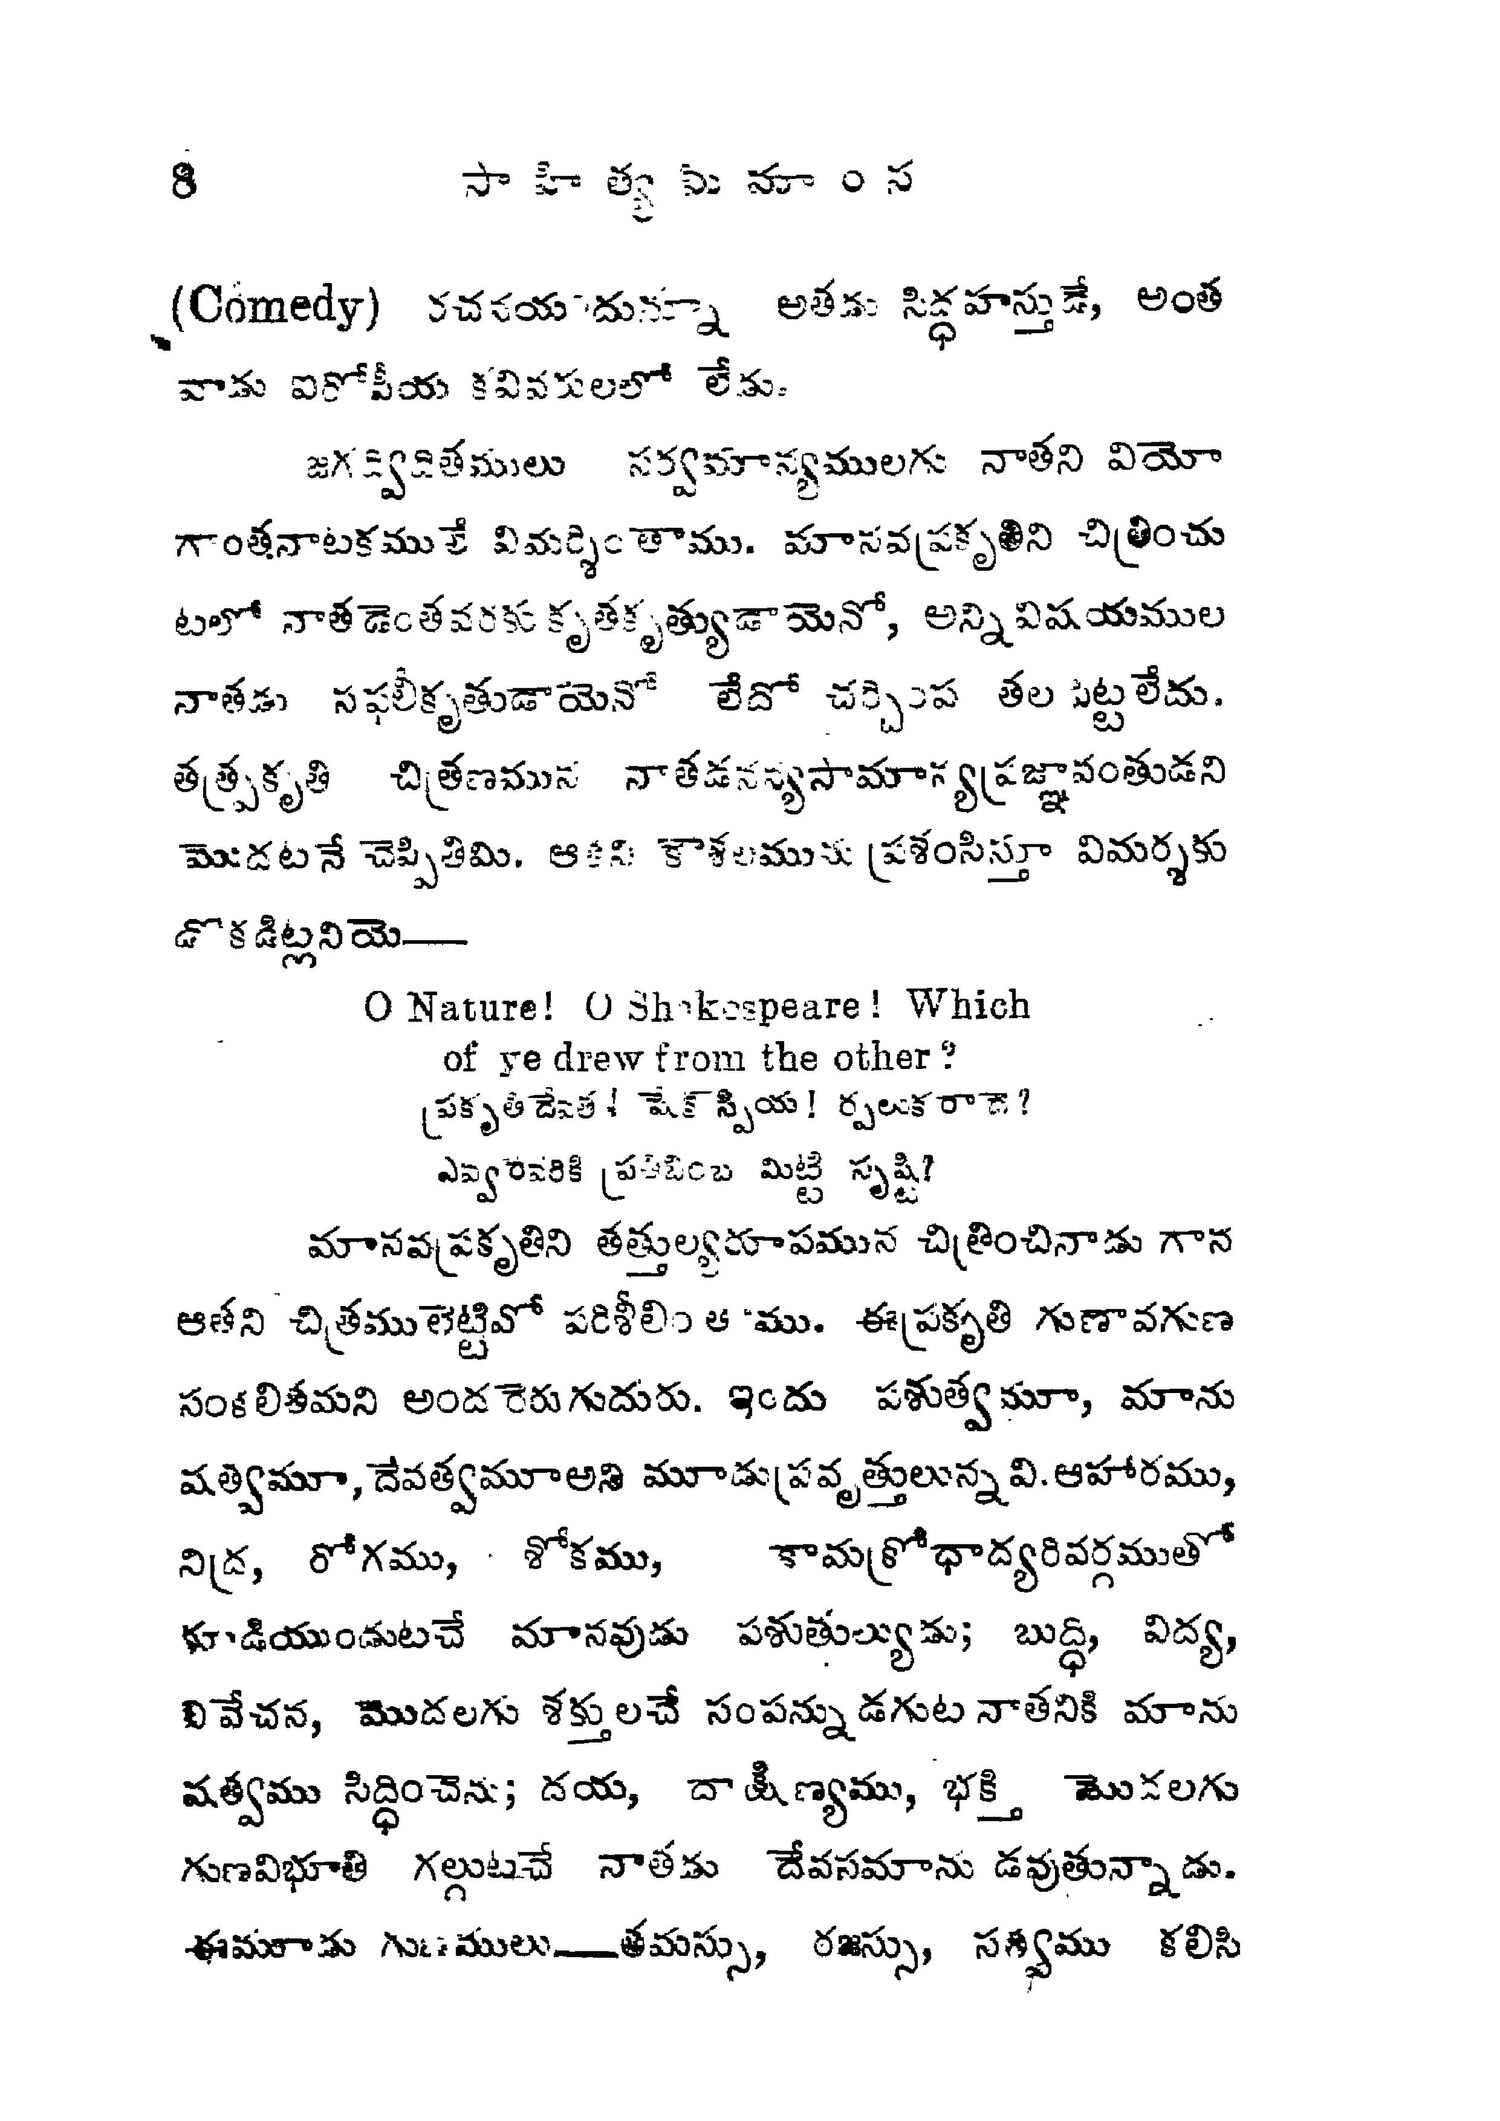(Comedy) రచనయందున్నూ అతడు సిద్ధహస్తుడే, అంతవాడు ఐరోపీయ కవివరులలో లేడు.

జగద్విదితములు సర్వమాన్యములగు నాతని వియోగాంతనాటకములే విమర్శింతాము. మానవప్రకృతిని చిత్రించుటలో నాతడెంతవరకు కృతకృత్యుడాయెనో, అన్ని విషయముల నాతడు సఫలీకృతుడాయెనో లేదో చర్చింప తల పెట్టలేదు. తత్ప్రకృతి చిత్రణమున నాతడనన్యసామాన్యప్రజ్ఞావంతుడని మొదటనే చెప్పితిమి. ఆతని కౌశలమును ప్రశంసిస్తూ విమర్శకు డొకడిట్లనియె -

 O Natureǃ O Shakespeareǃ Which
 of ye drew from the other? 
 ప్రకృతిదేవత! షేక్స్‌స్పియ! ర్పలుకరాదె?
 ఎవరెవరికి ప్రతిబింబ మిట్టి సృష్టి? 

మానవప్రకృతిని తత్తుల్యరూపమున చిత్రించినాడు గాన ఆతని చిత్రములెట్టివో పరిశీలింతాము. ఈప్రకృతి గుణావగుణ సంకలితమని అందరెరుగుదురు. ఇందు పశుత్వమూ, మానుషత్వమూ, దేవత్వమూఅని మూడుప్రవృత్తులున్నవి. ఆహారము, నిద్ర, రోగము, శోకము, కామక్రోధాద్యరివర్గముతో కూడియుండుటచే మానవుడు పశుతుల్యుడు; బుద్ధి, విద్య, వివేచన, మొదలగు శక్తులచే సంపన్నుడగుట నాతనికి మానుషత్వము సిద్ధించెను; దయ, దాక్షిణ్యము, భక్తి మొదలగు గుణవిభూతి గల్గుటచే నాతడు దేవసమాను డవుతున్నాడు. ఈమూడు గుణములు - తమస్సు, రజస్సు, సత్వము కలిసి